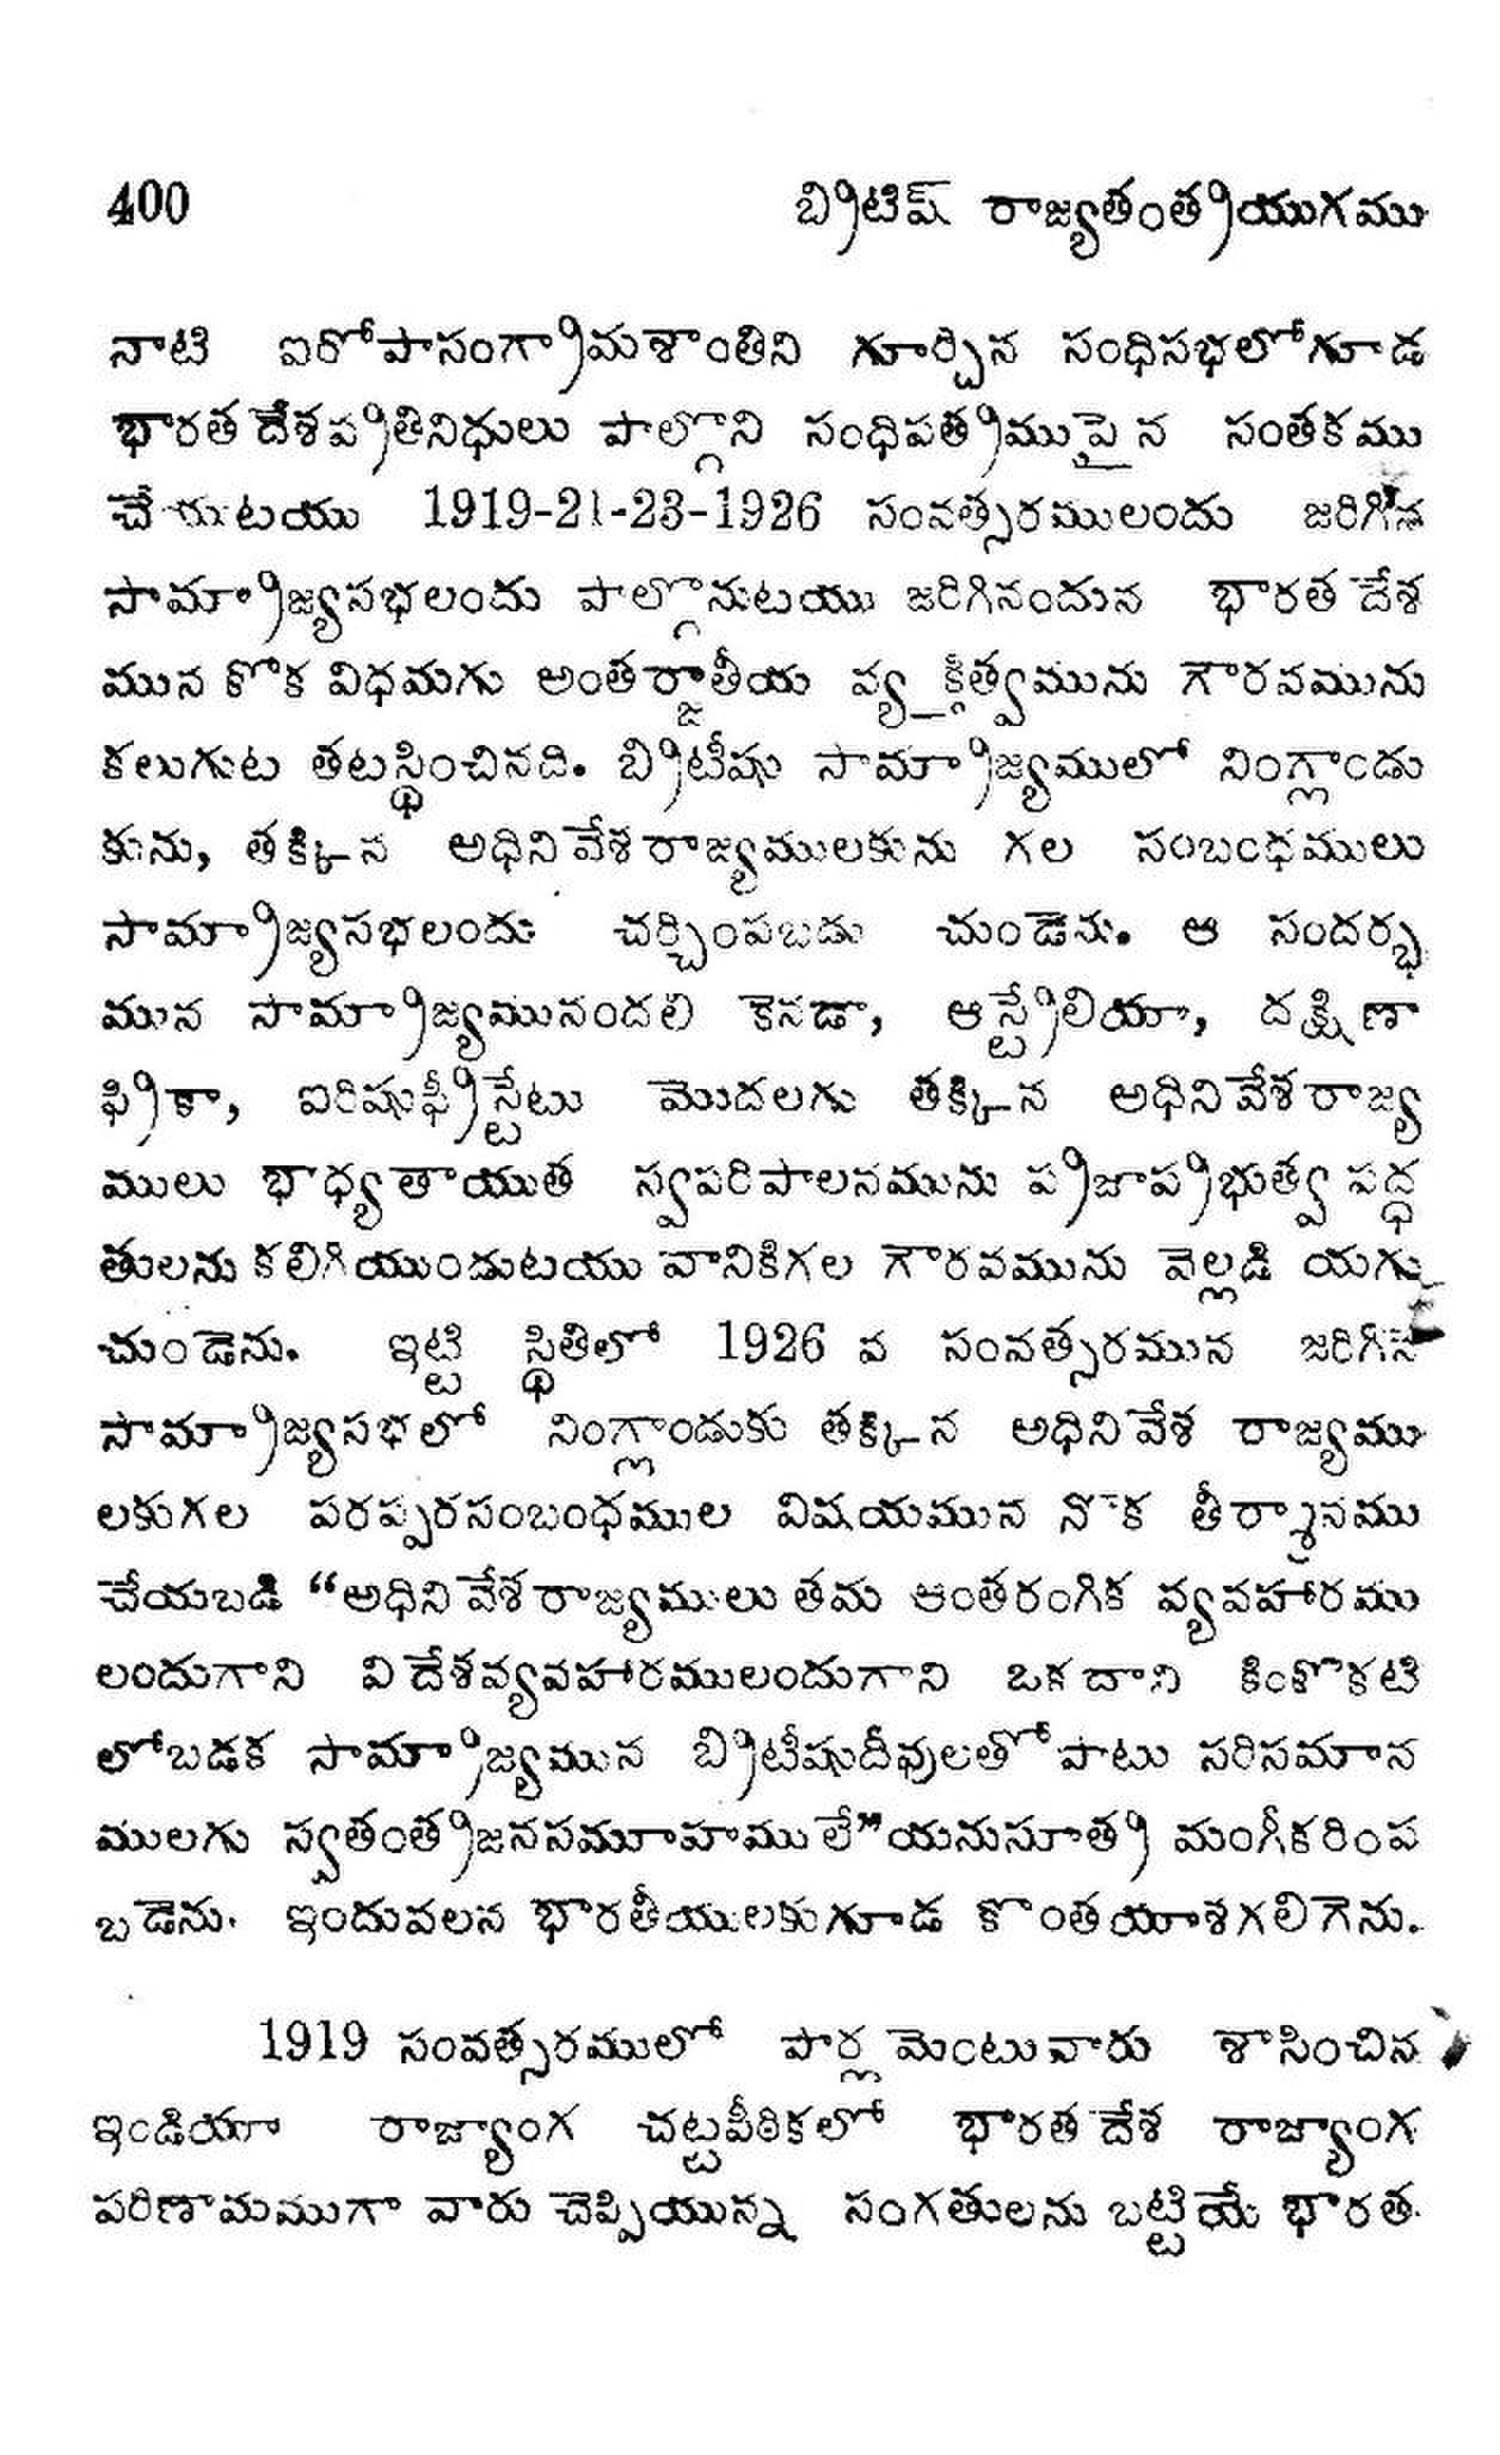నాటి ఐరోపాసంగ్రామశాంతిని గూర్చిన సంధిసభలోగూడ భారతదేశప్రతినిధులు పాల్గొని సంధిపత్రముపైన సంతకము చేయుటయు 1919-21-23-1926 సంవత్సరములందు జరిగిన సామ్రాజ్యసభలందు పాల్గొనుటయు జరిగినందున భారత దేశమున కొక విధమగు అంతర్జాతీయ వ్యక్తిత్వమును గౌరవమును కలుగుట తటస్థించినది. బ్రిటీషు సామ్రాజ్యములో నింగ్లాండుకును, తక్కిన అధినివేశరాజ్యములకును గల సంబంధములు సామ్రాజ్యసభలందు చర్చింపబడు చుండెను. ఆ సందర్భమున సామ్రాజ్యమునందలి కెనడా, ఆస్ట్రేలియా, దక్షిణాఫ్రికా, ఐరిషుఫ్రీస్టేటు మొదలగు తక్కిన అధినివేశరాజ్యములు భాధ్యతాయుత స్వపరిపాలనమును ప్రజాప్రభుత్వ పద్దతులను కలిగి యుండుటయు వానికిగల గౌరవమును వెల్లడి యగుచుండెను. ఇట్టి స్థితిలో 1926 వ సంవత్సరమున జరిగిన సామ్రాజ్యసభలో నింగ్లాండుకు తక్కిన అధినివేశ రాజ్యములకుగల పరస్పరసంబంధముల విషయమున నొక తీర్మానము చేయబడి "అధినవేశరాజ్యములు తమ ఆంతరంగిక వ్యవహారములందుగాని విదేశవ్యవహారములందుగాని ఒకదాని కింకొకటి లోబడక సామ్రాజ్యమున బ్రిటీషుదీవులతోపాటు సరిసమానములగు స్వతంత్రజనసమూహములే"యనుసూత్ర మంగీకరింపబడెను. ఇందువలన భారతీయులకుగూడ కొంతయాశగలిగెను.

1919 సంవత్సరములో పార్లమెంటువారు శాసించిన , ఇండియా రాజ్యాంగ చట్టపీఠికలో భారతదేశ రాజ్యాంగ పరిణామముగా వారు చెప్పియున్న సంగతులను బట్టియే భారత